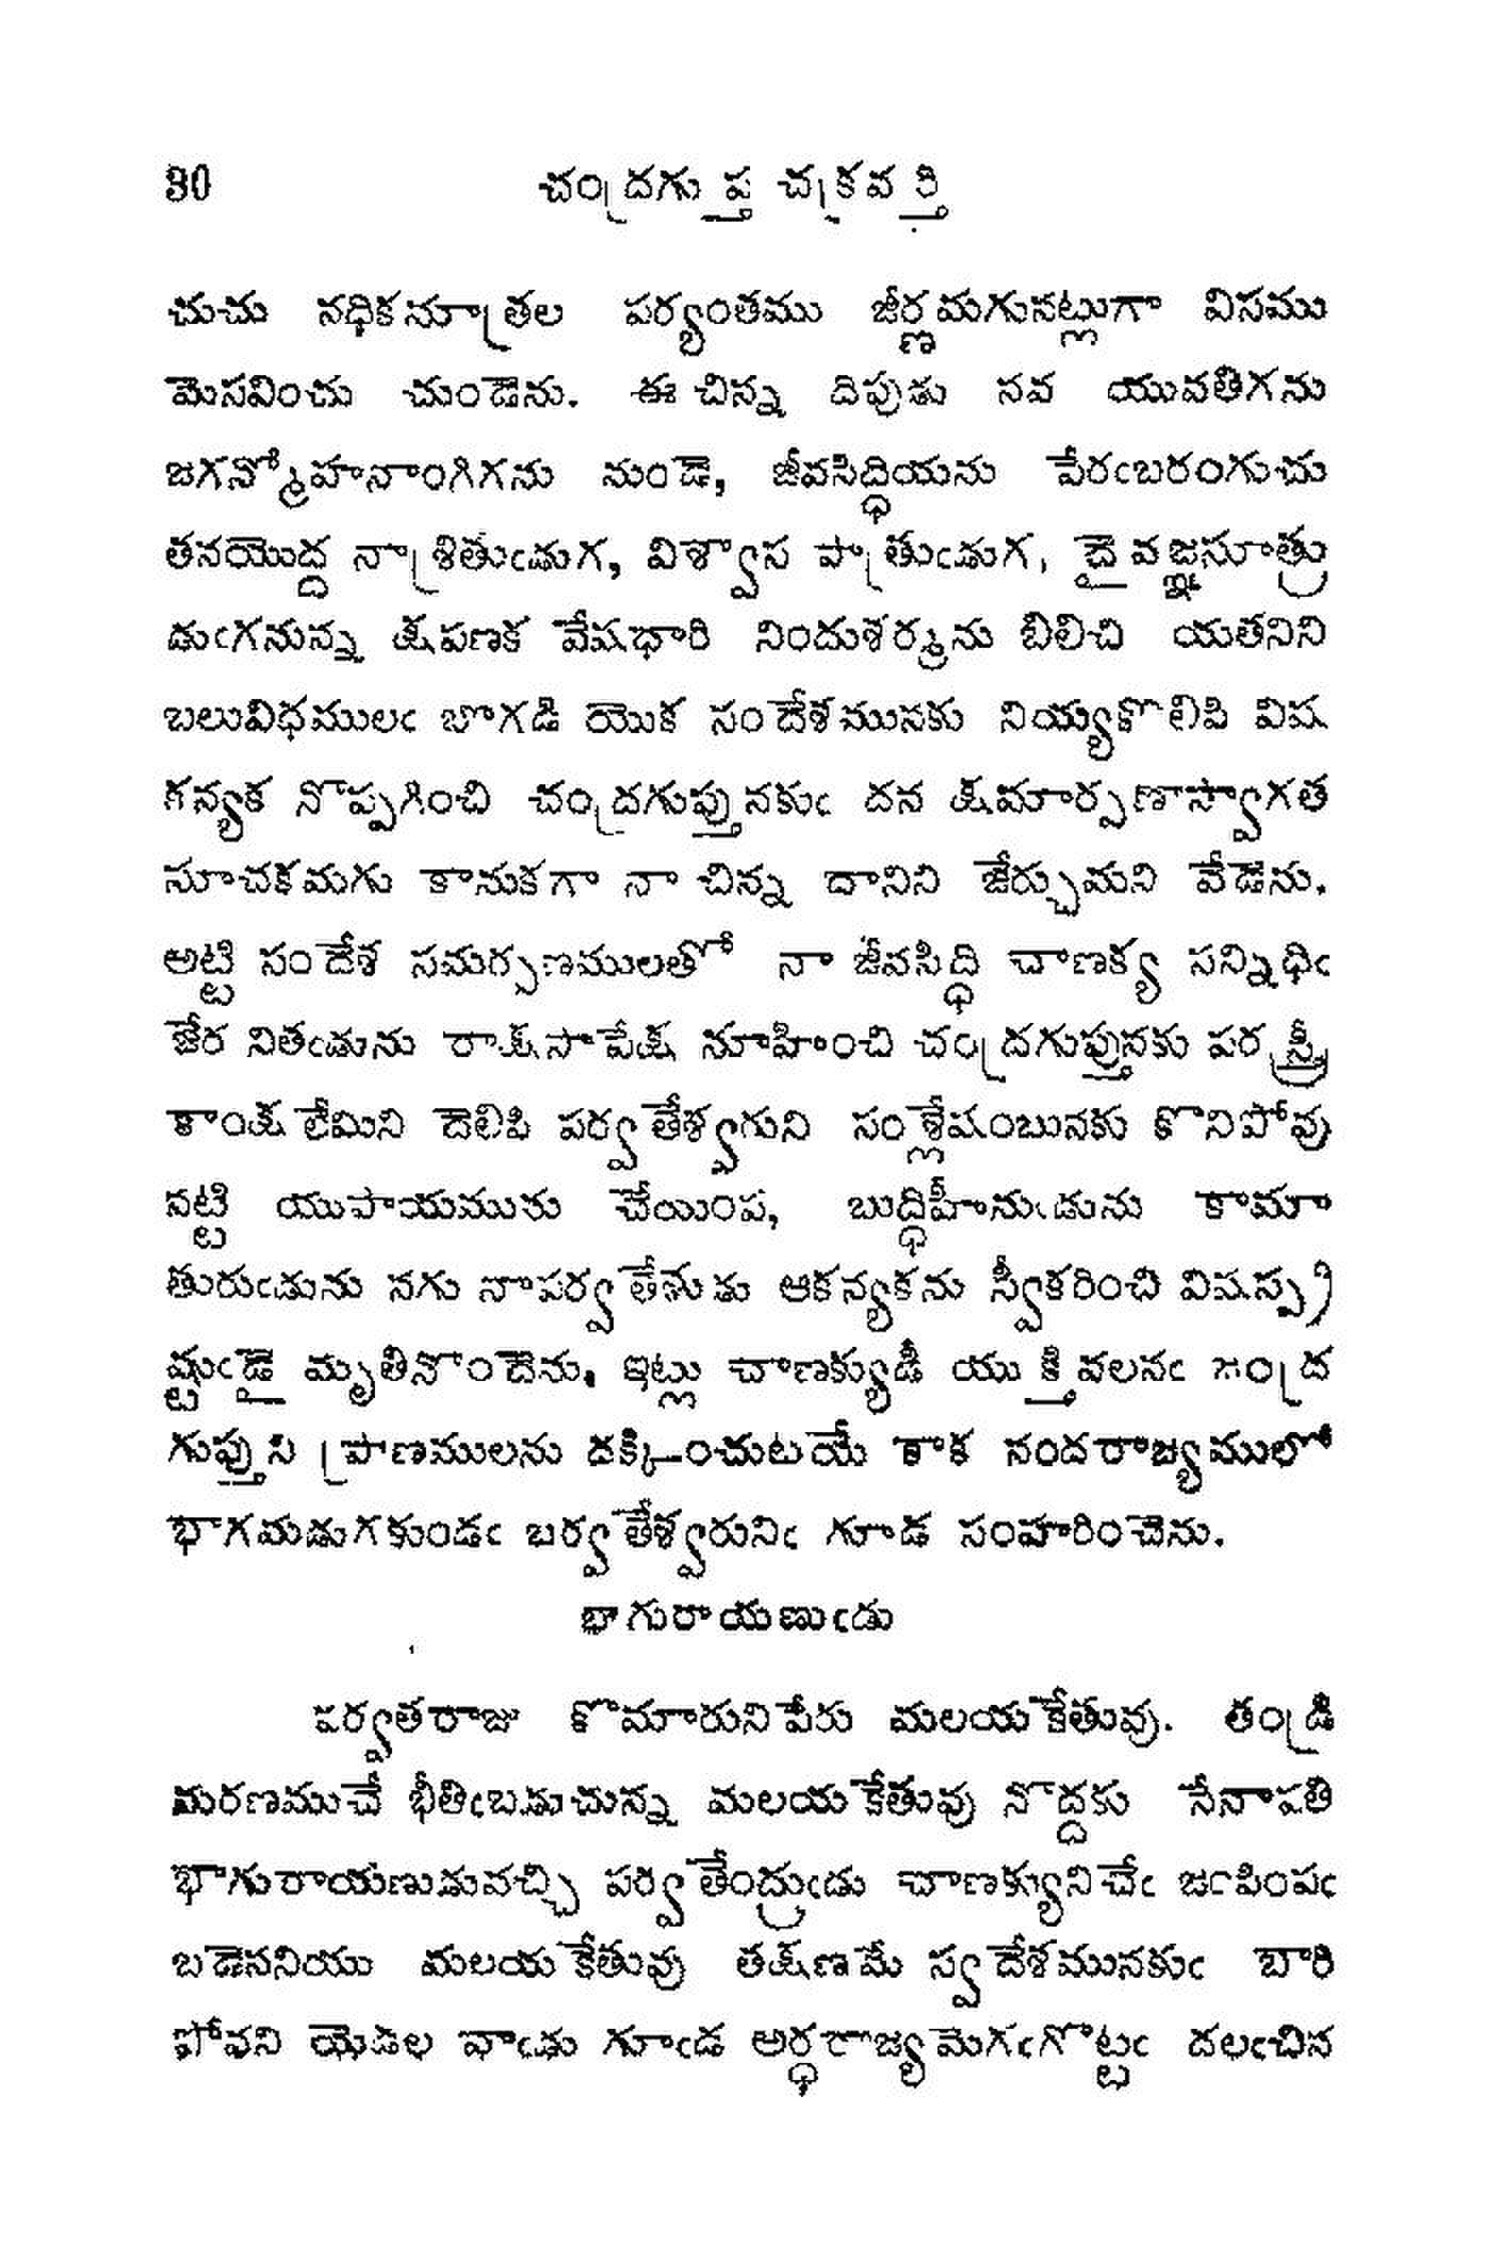చుచు నధికమాత్రల పర్యంతము జీర్ణమగునట్లుగా విసము మెసవించు చుండెను. ఈ చిన్న దిపుడు నవ యువతిగను జగన్మోహనాంగిగను నుండె, జీవసిద్ధియను పేరఁబరంగుచు తనయొద్ద నాశ్రితుఁడుగ, విశ్వాస పాత్రుఁడుగ, దైవజ్ఞసూత్రుడుఁగనున్న క్షపణక వేషధారి నిందుశర్మను బిలిచి యతనిని బలువిధములఁ బొగడి యొక సందేశమునకు నియ్యకొలిపి విషకన్యక నొప్పగించి చంద్రగుప్తునకుఁ దన క్షమార్పణాస్వాగత సూచకమగు కానుకగా నా చిన్న దానిని జేర్చుమని వేడెను. అట్టి సందేశ సమర్పణములతో నా జీవసిద్ధి చాణక్య సన్నిధిఁ జేర నితఁడును రాక్షసాపేక్ష నూహించి చంద్రగుప్తునకు పర స్త్రీ కాంక్ష లేమిని దెలిపి పర్వతేశ్వరుని సంశ్లేషంబునకు కొనిపోవునట్టి యుపాయమును చేయింప, బుద్ధిహీనుఁడును కామా తురుఁడును నగు నాపర్వతేశుడు ఆకన్యకను స్వీకరించి విషస్ప్రష్టుఁడై మృతినొందెను. ఇట్లు చాణక్యుడీ యుక్తివలనఁ జంద్రగుప్తుని ప్రాణములను దక్కించుటయే కాక నందరాజ్యములో భాగమడుగకుండఁ బర్వతేశ్వరునిఁ గూడ సంహరించెను.

భాగురాయణుఁడు

పర్వతరాజు కొమారునిపేరు మలయకేతువు. తండ్రి మరణముచే భీతిఁబడుచున్న మలయకేతువు నొద్దకు సేనాపతి భాగురాయణుడువచ్చి పర్వతేంద్రుఁడు చాణక్యునిచేఁ జంపింపఁ బడెననియు మలయకేతువు తక్షణమే స్వదేశమునకుఁ బారి పోవని యెడల వాఁడు గూఁడ అర్ధరాజ్యమెగఁగొట్టఁ దలఁచిన